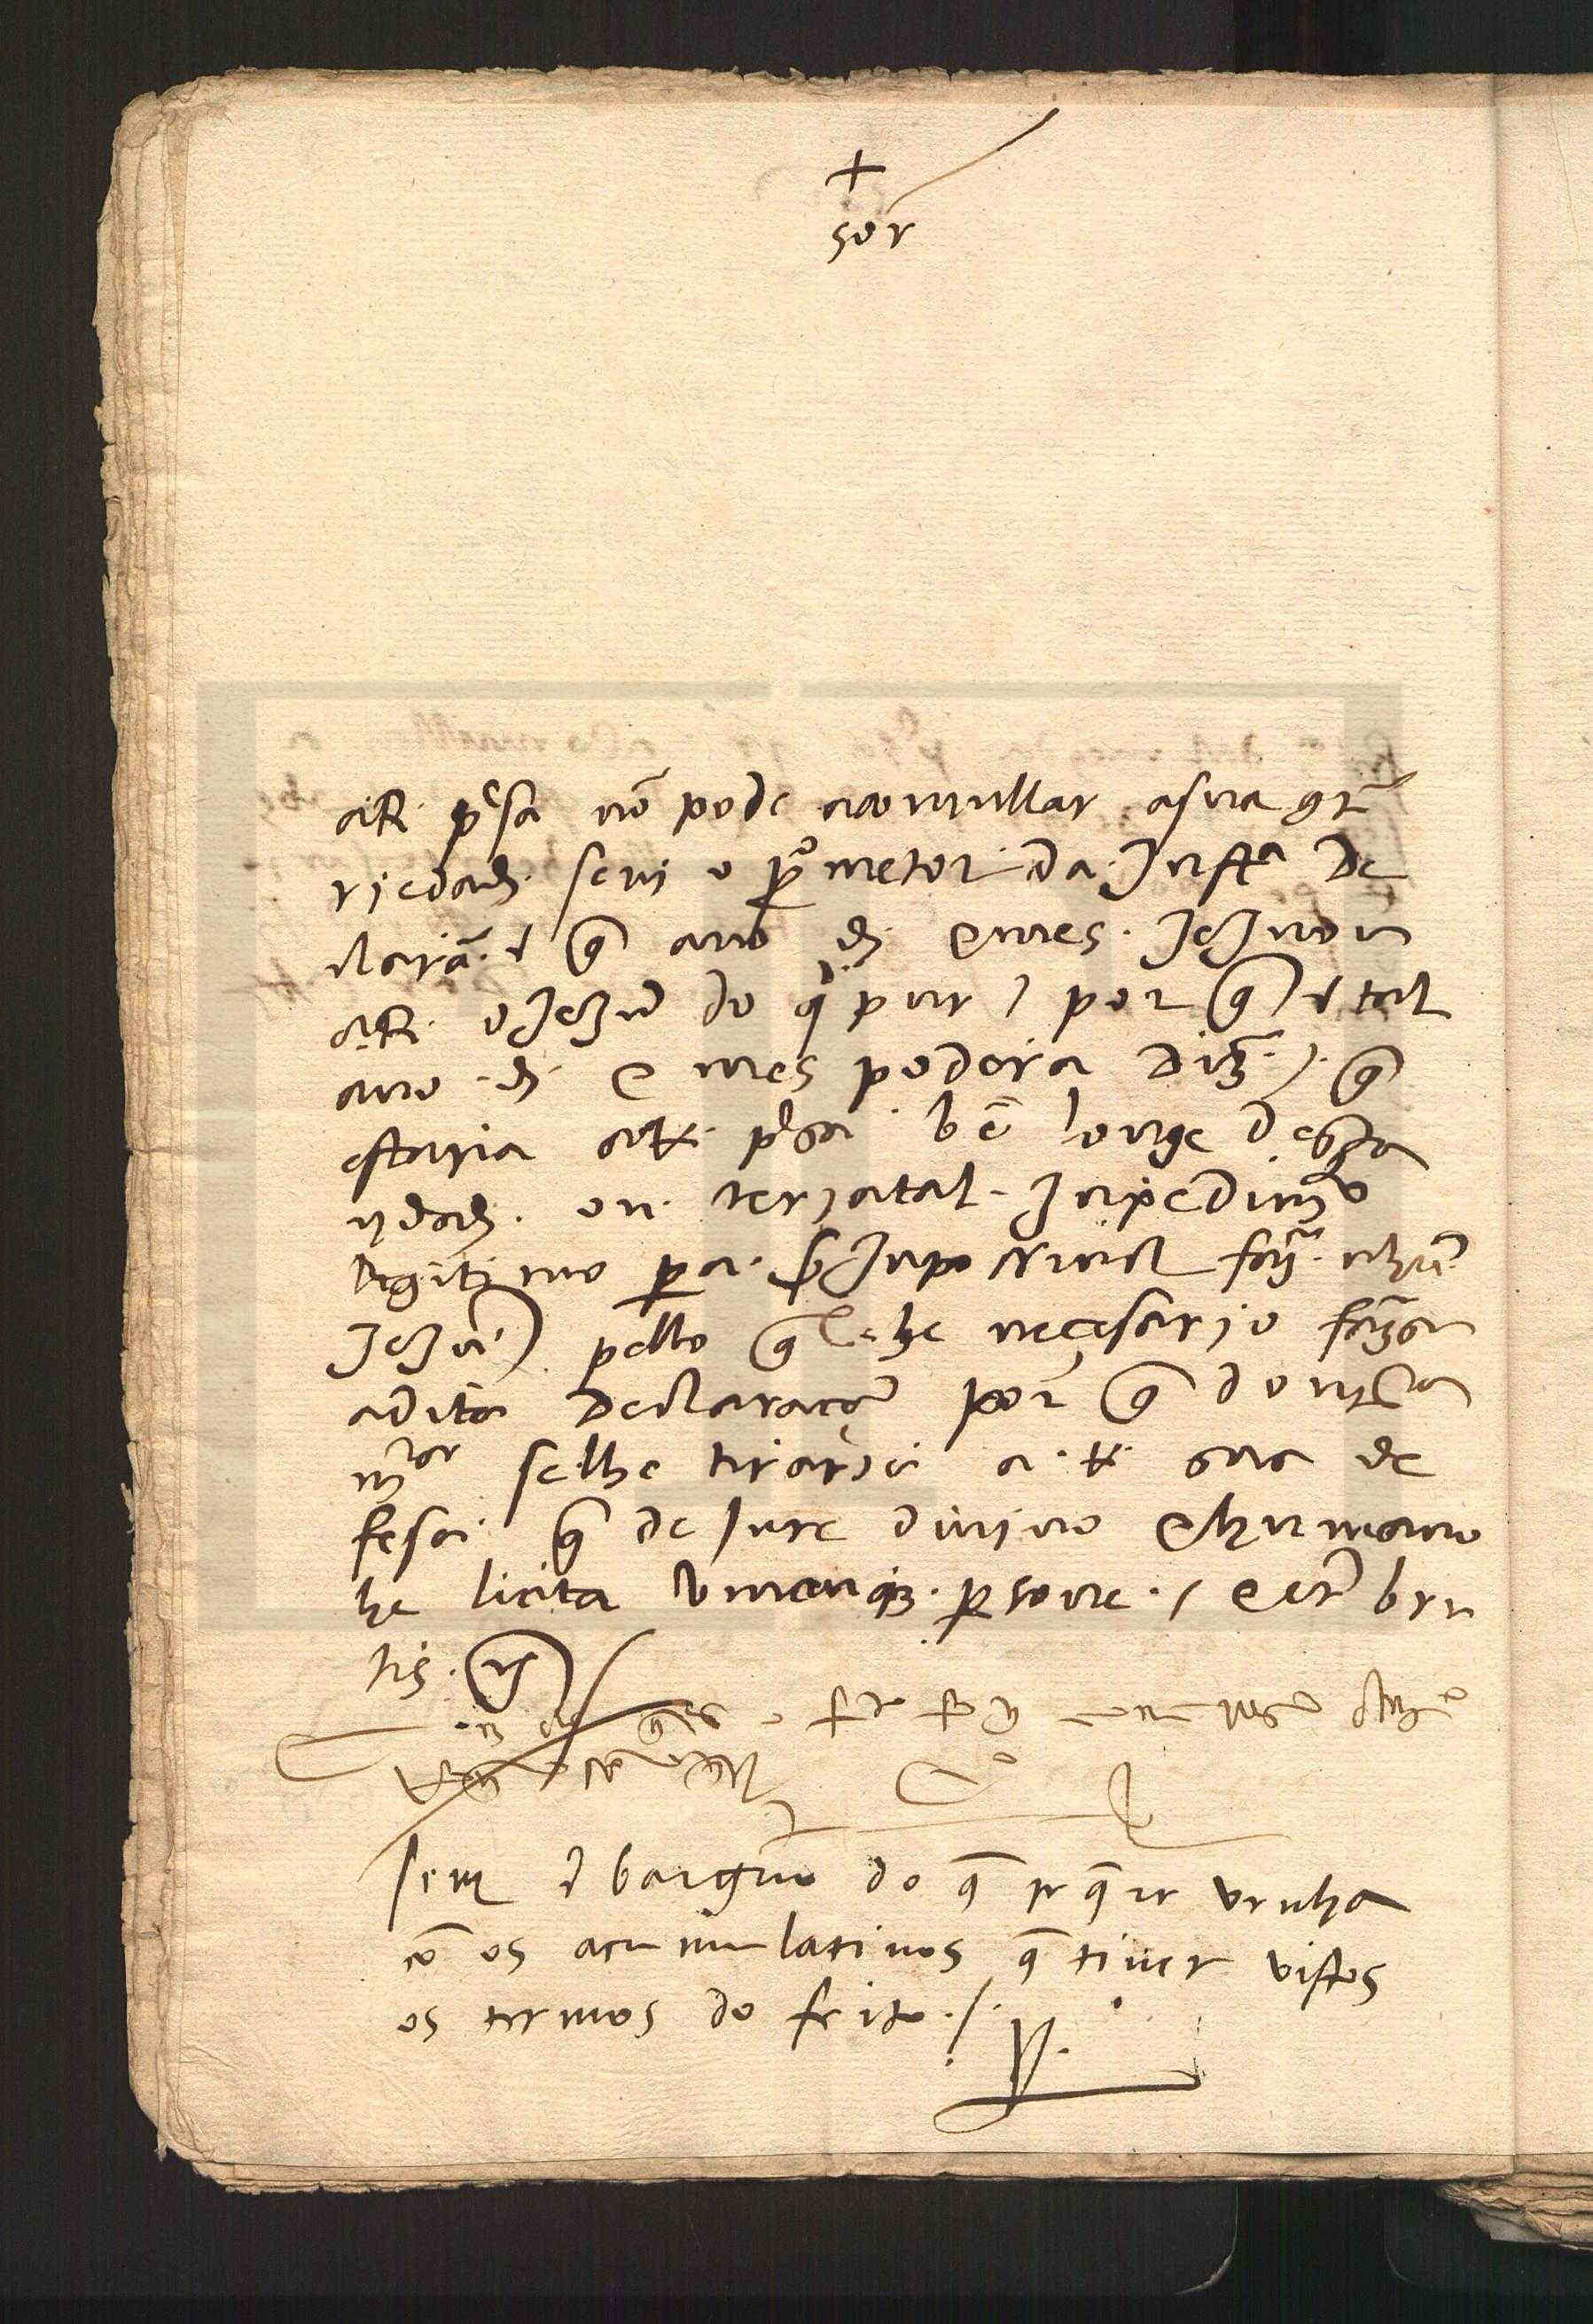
sor̄
a .R. p̄sa nō pode acomullar a sua ꝯt̄
rjedade sem o ꝓometor da Justa de
clarā. ē q̄ ano dj e mes. JeJuou
a .R. o JeJū do qipur / porq̄ ē tal
ano .dj e mes podera diz̄ /. q̄
estaria a R. p̄sa bē longe desta
çjdadj ou terja tal. Jnpedimto
ligitimo ꝑa. ꞩ Jnpossiuel faz̄. nhū
JeJū. pello q̄l. he neçesarjo faz̄se
a dita declaraçā por q̄ doutra
mra se lhe tiraria a .R. sua de
fesa. q̄ de Jure diuino e humano
he licita vmarqz. ꝑ soac ./ e et̄ bru
tis. c̄ꝭ
Com As q̄es o fto foy concruso Anto
Roj̄z o spr̄vy
Co
sem ēbarguo do q̄ req̄re venha
cō os acumulatiuos q̄ tiuer vistos
os termos do feito ./.
